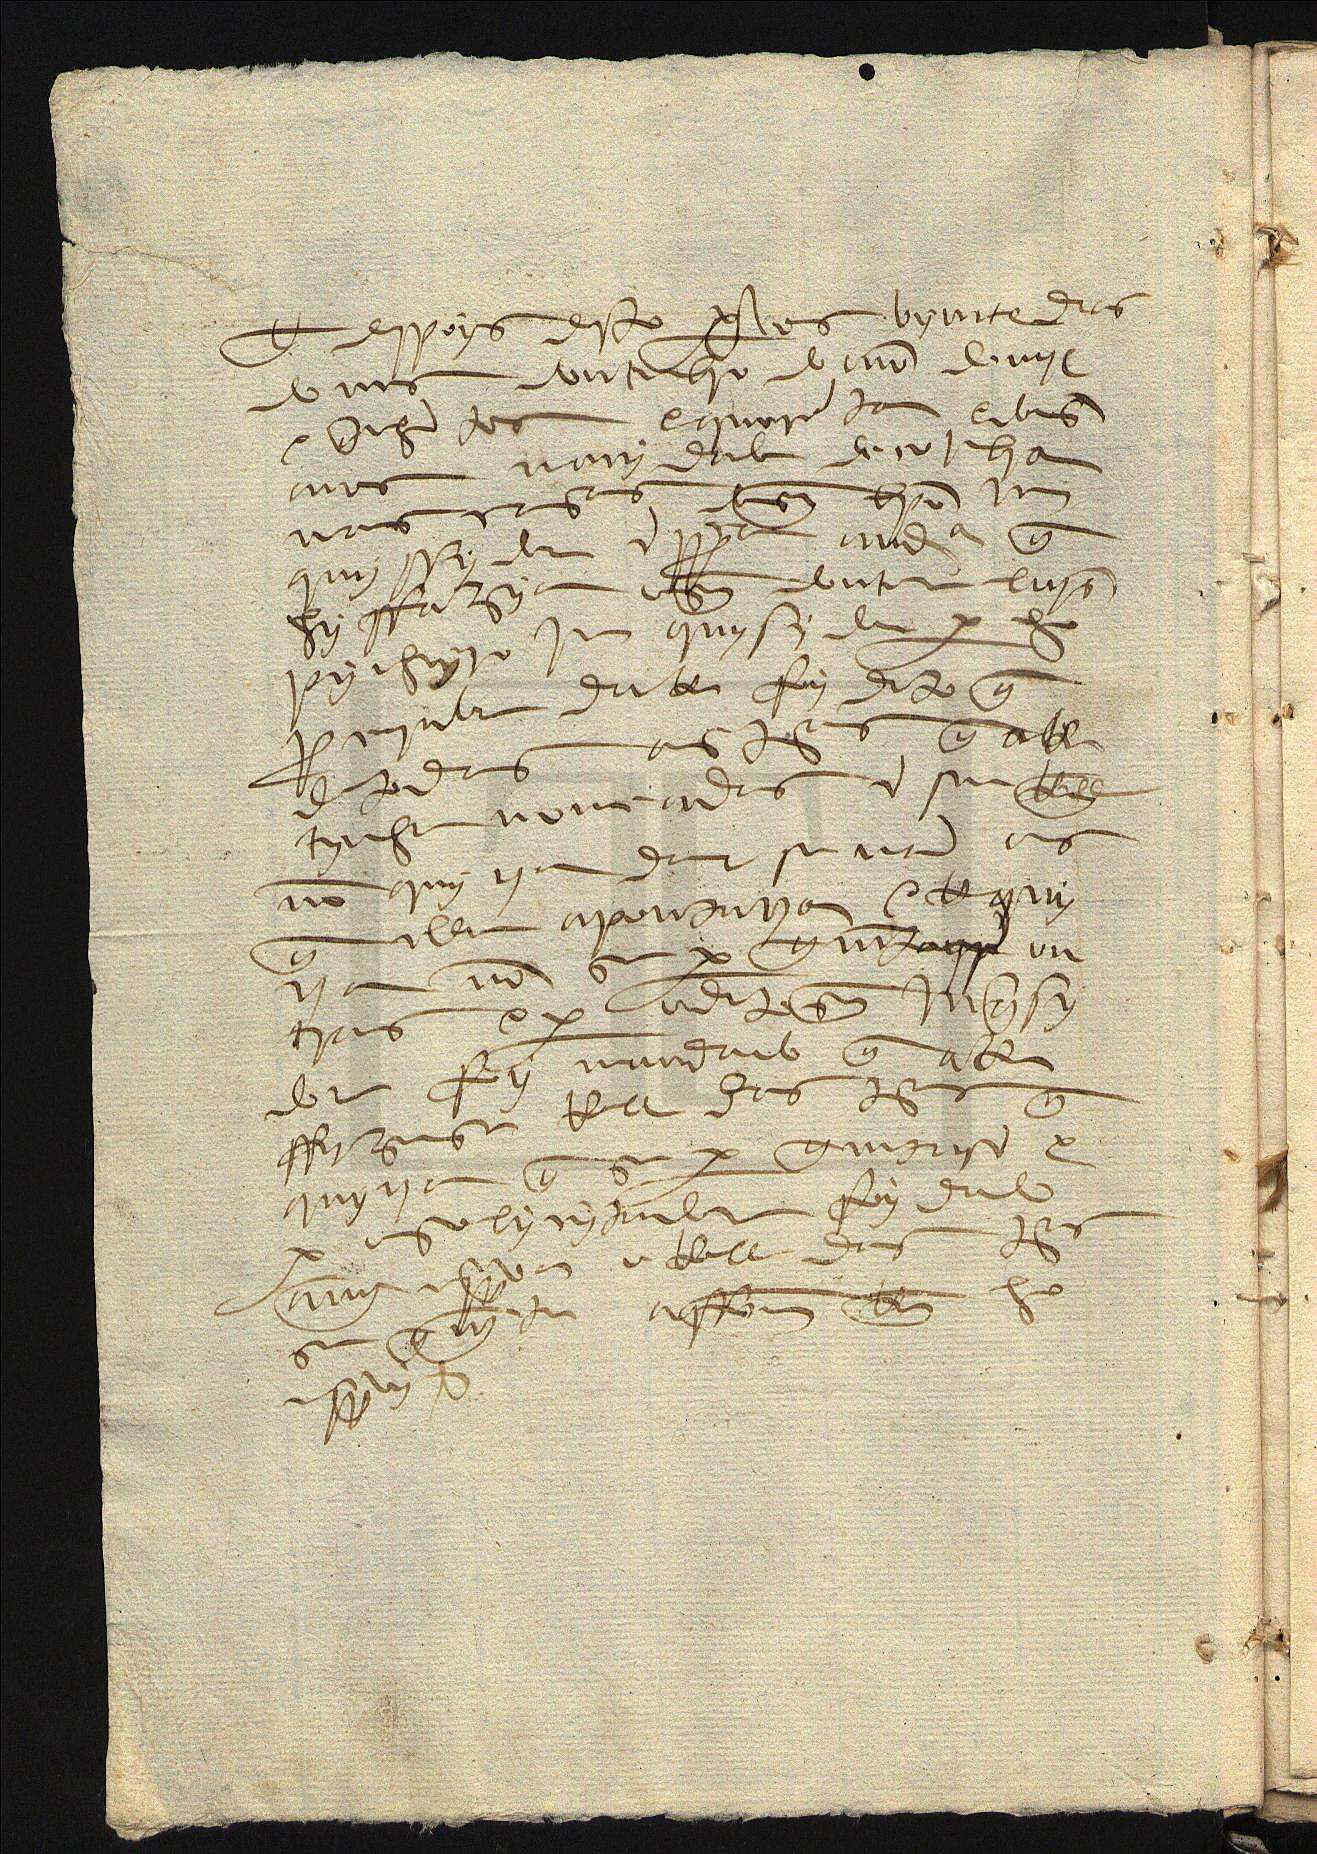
E despoys desto Aos vymte dias
do mes doutubro do an̄o de mjl
e q̄nhētos e quorēta e dous
anos na cydade de coJnbra
nas casas do s̄or bpō Jm
quyssydor ē ꝓpca audja q̄
hy ffazya o s̄or doutor lujs
pynheyro Jmquysydor ꝑ ho
ꝓcurador da Re foy dito q̄
de todas as tas e q̄ a Re
tynha nomeadas ē seu Roll
no quyrja dar senā as
q̄ ella apontarja e Requy
rja n̄o se ꝑgūtar ou
tras e ꝑ o dito s̄or Jnq̄sy
dor foy mandado q̄ a Re
ffyzese Roll das tas q̄
quyrja q̄ se ꝑguntasē e
ꝑ o solycytador foy dado
a mj̄ esp̄van o Roll das tas
segūjte aff̄om Rōz ho
esp̄vy
